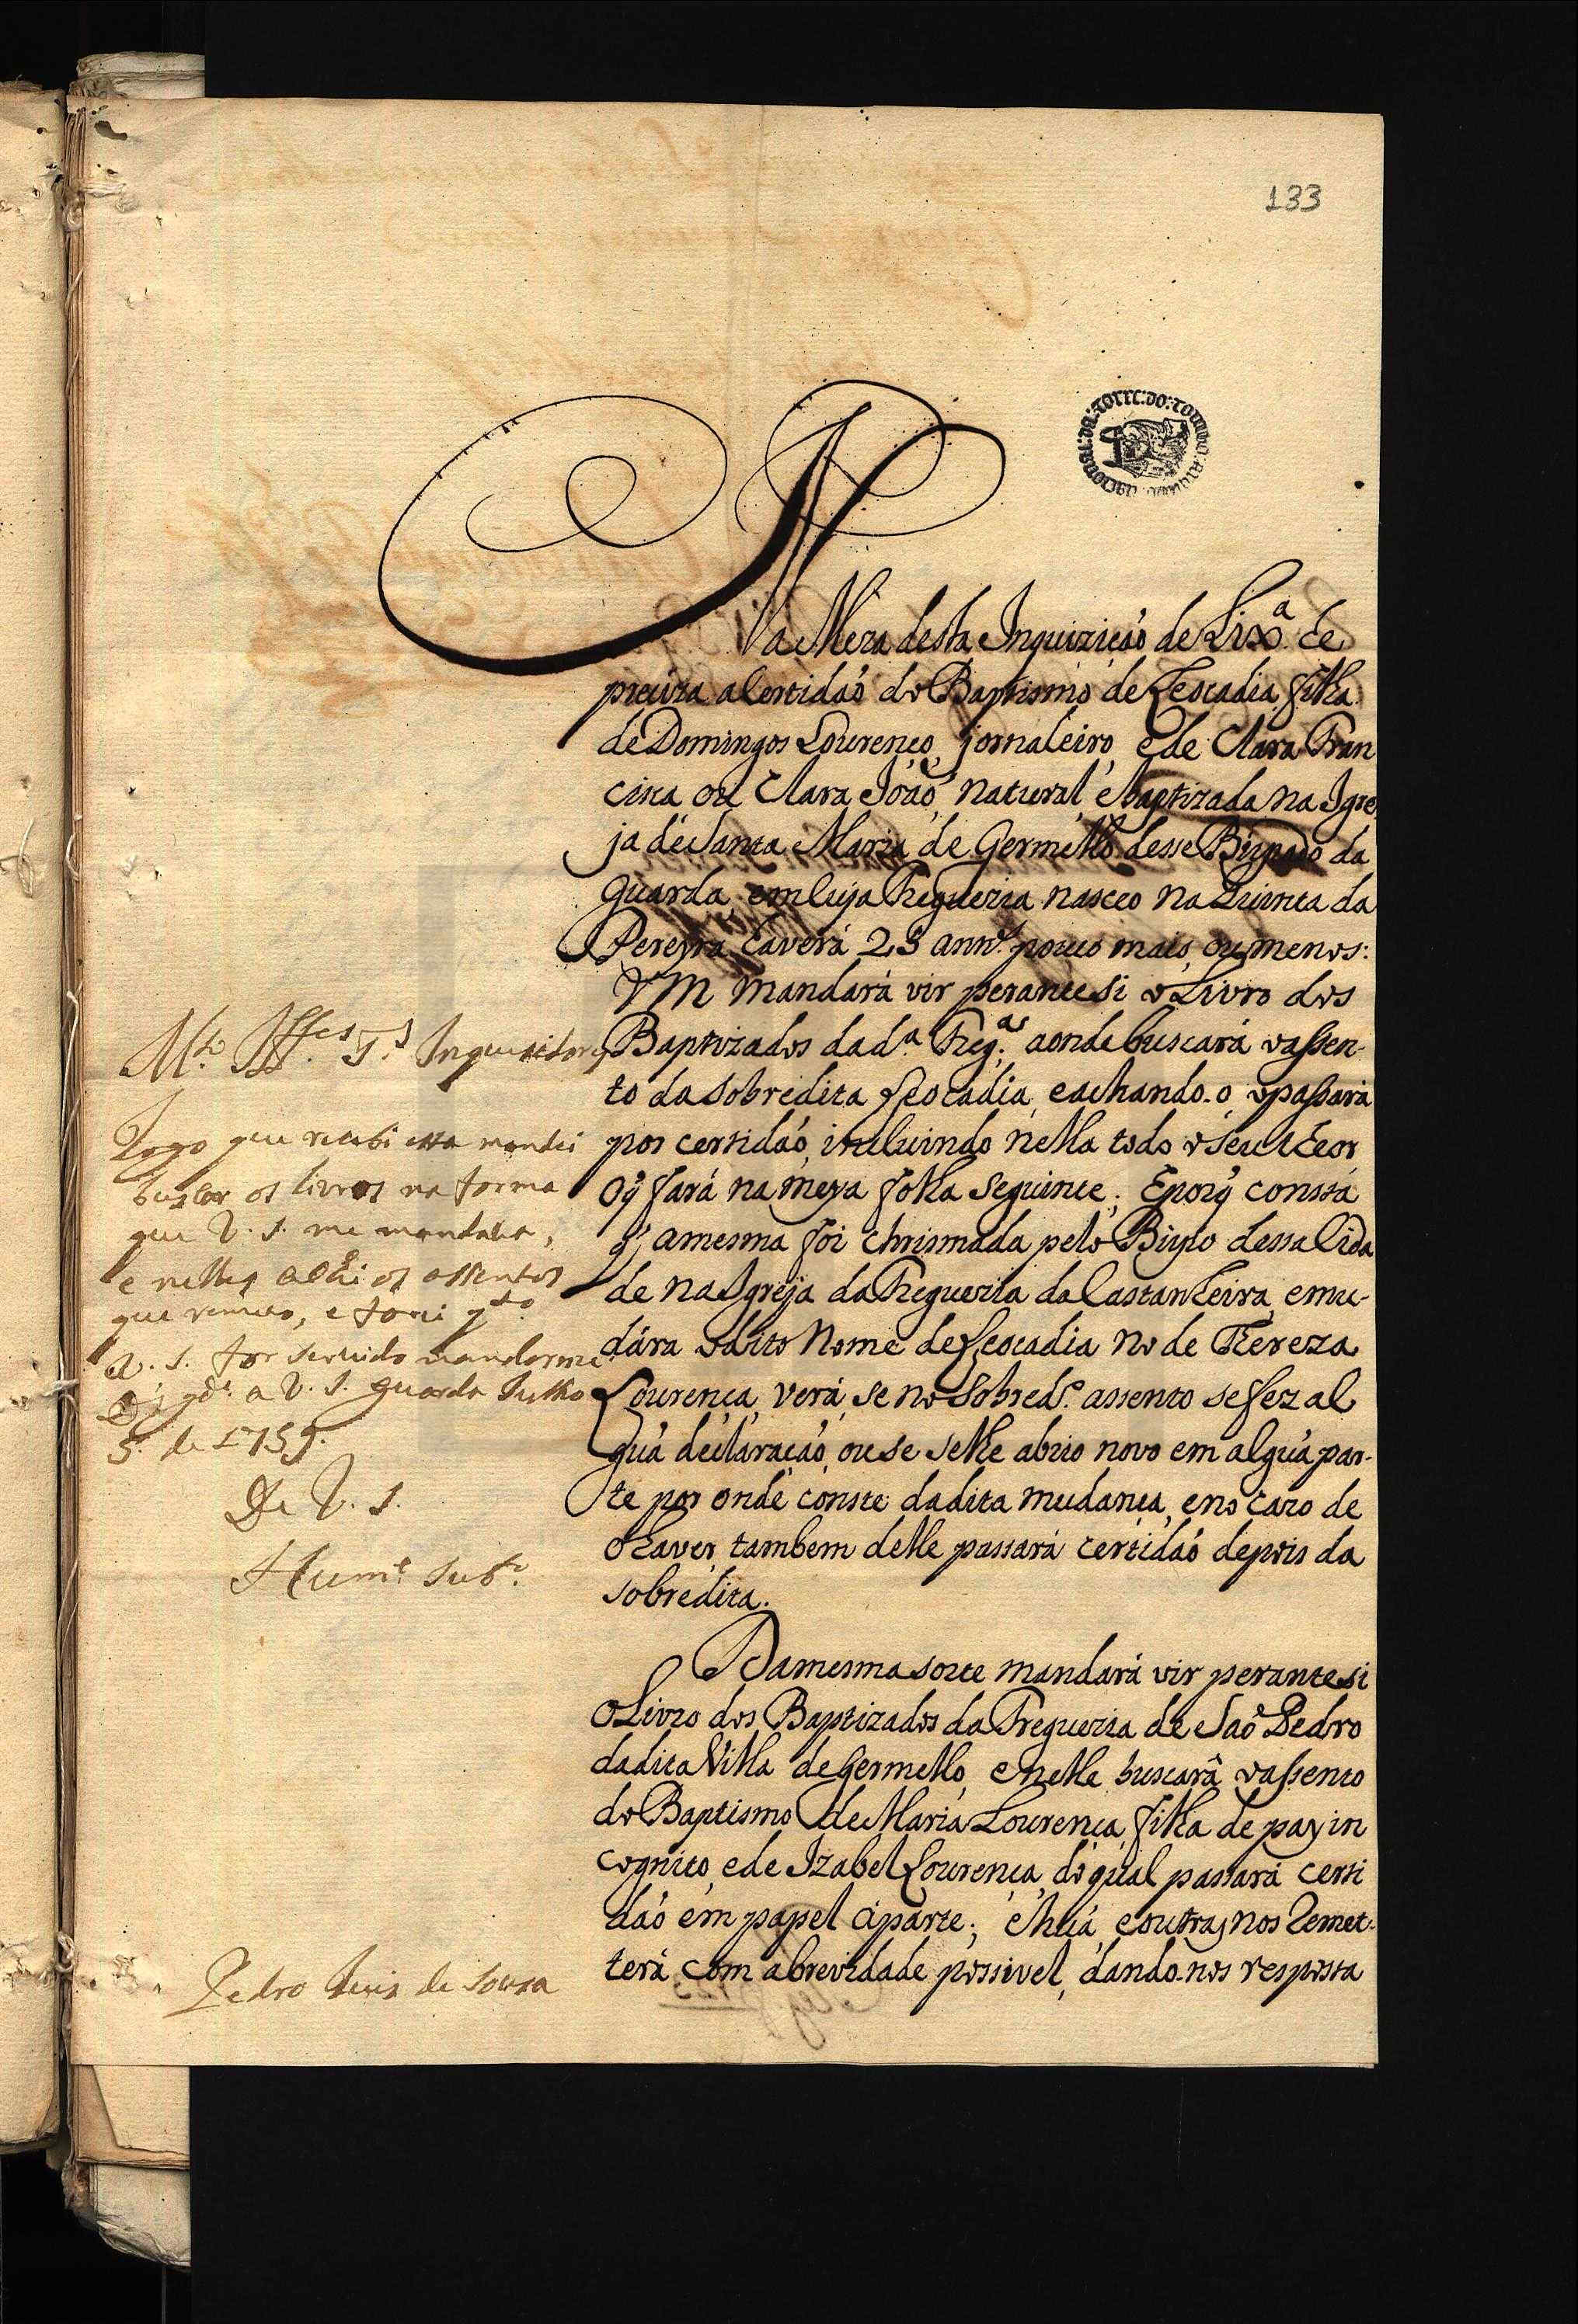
Na Meza desta Inquiziçaõ de Lix.a he
preciza a Certidaõ do Baptismo de Leocadia, filha
de Domingos Lourenço, jornaleiro, e de Clara Fran
cisca, ou Clara Ioaõ, natural, e baptizada na Igre
ja de Santa Maria de Germello desse Bispado da
Guarda, em Cuja Freguezia nasceo na Quinta da
Pereyra haverá 25 ann.s pouco mais, ou menos:
V M mandará vir perante si o Livro dos
Baptizados da d.a Freg.a; aonde buscará o assen
to da Sobredita Leocadia, e achando-o, o passará
por certidaõ, incluindo nella todo o seu theor,
o q̄ fará na meya folha seguinte; E porq̄ consta
q̄ a mesma foi chrismada pelo Bispo dessa Cida
de na Igreja da Freguezia da Castanheira, e mu
dára o dito Nome de Leocadia no de Thereza
Lourença, verá, se no Sobred.o assento se fez al
guā declaraçaõ, ou se se lhe abrio novo em alguā par
te por onde conste da dita mudança, e no cazo de
o haver, tambem delle passará certidaõ depois da
sobredita.
Da mesma sorte mandará vir perante si
o Livro dos Baptizados na Freguezia de Saõ Pedro
da dita Villa de Germello, e nelle buscará o assento
do Baptismo de Maria Lourença, filha de pay in
cognito, e de Izabel Lourença, do qual passará certi
daõ em papel á parte; e huā, e outras nos Remet
terá com a brevidade possivel, dando-nos resposta
M.to Ill.es S.s Inquisidores
Logo que recebi esta mandei
buscar os livros na forma
que V. s. me mandaua,
e nelles achei os assentos
que remeto, e farei q.to
V. s. for seruido mandarme.
Ds̄ gd.e a V. s. Guarda Iulho
5. de 1759.
De V. s.
Hum.e sub̄.o
